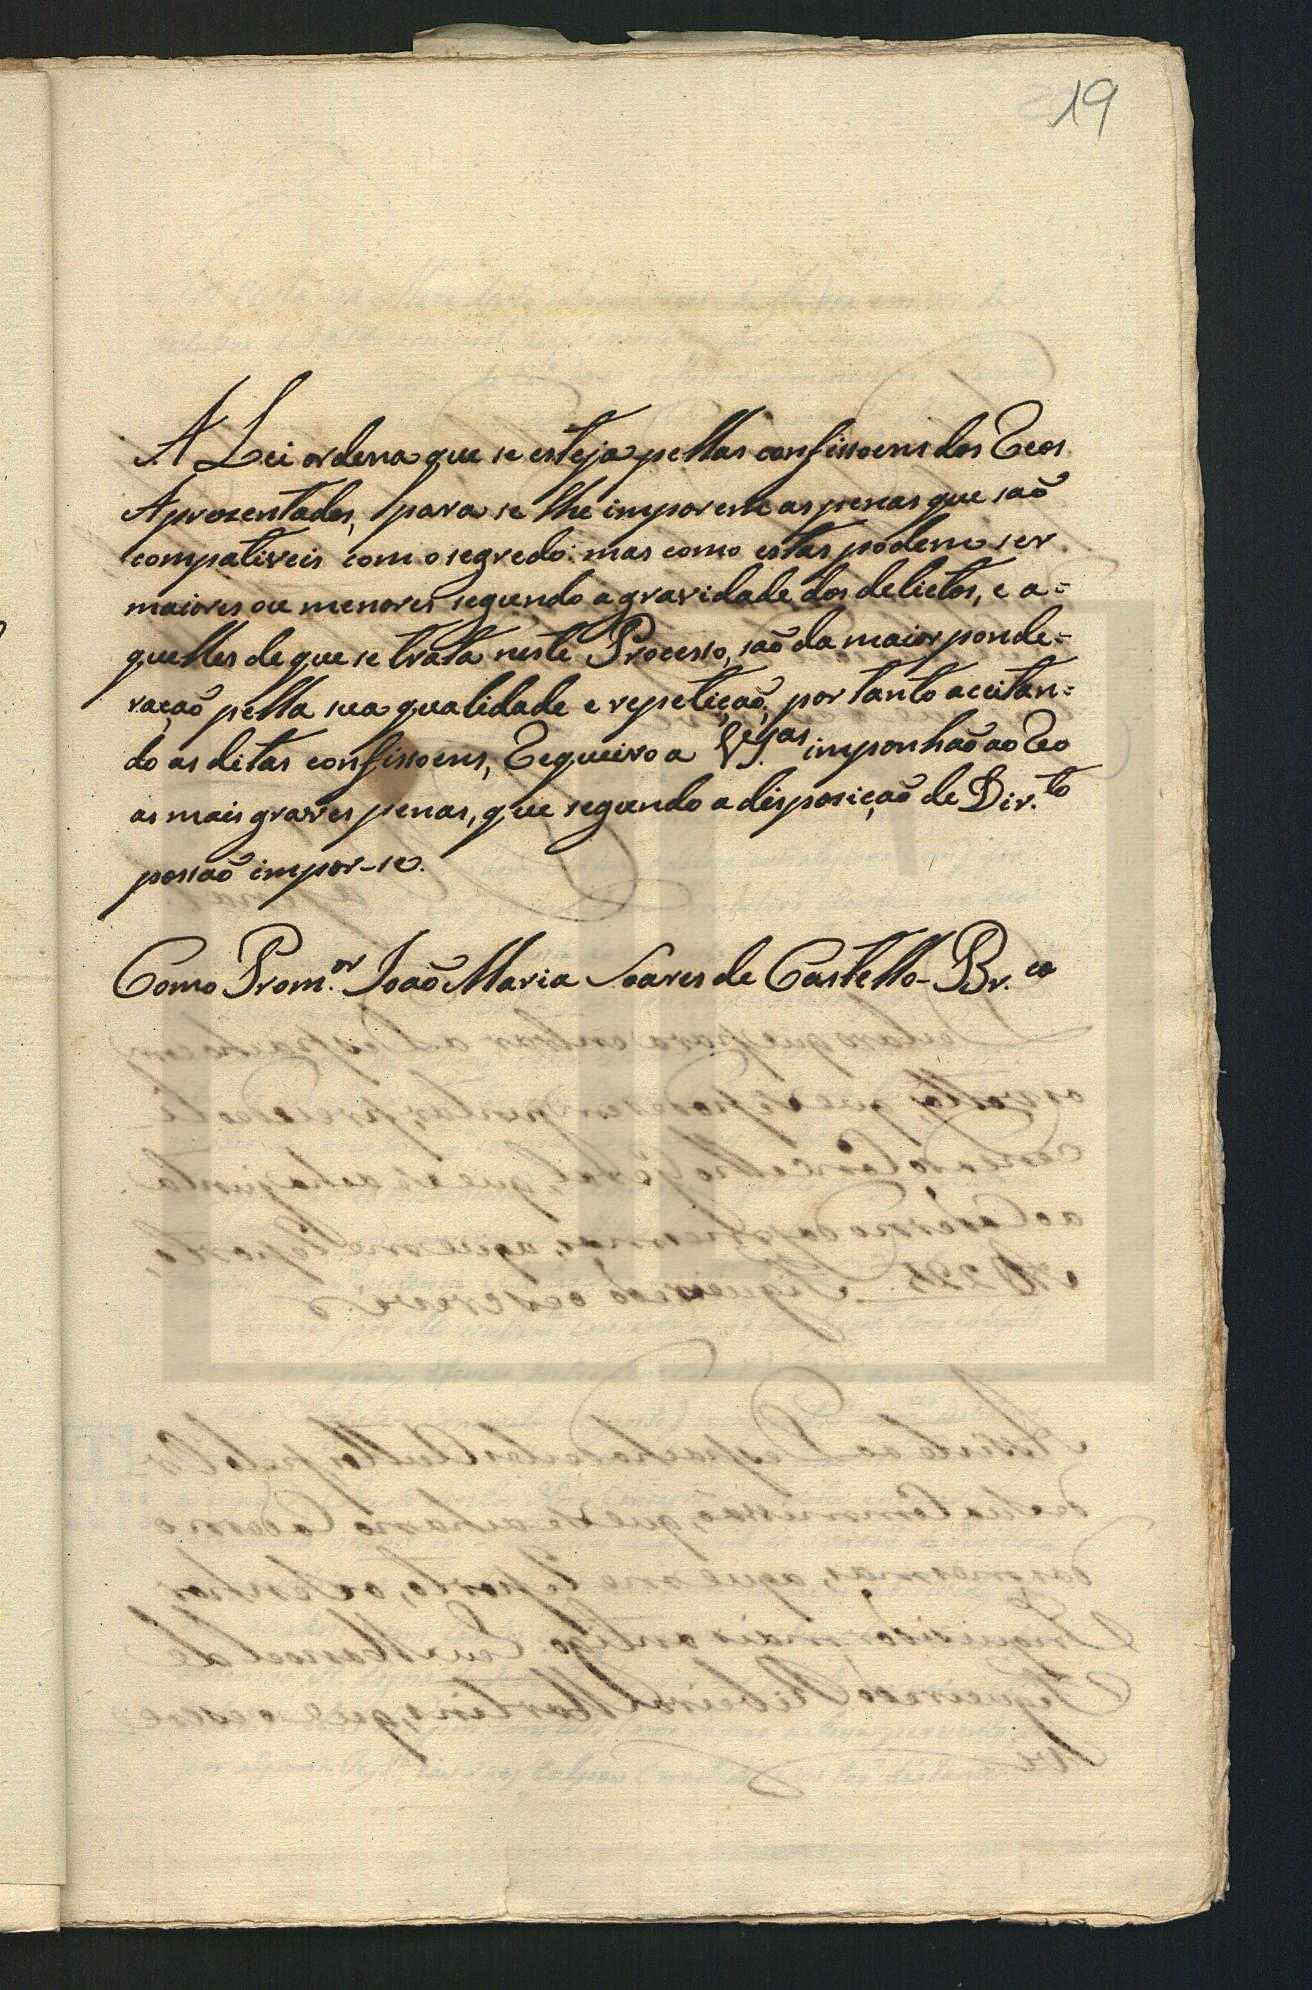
A Lei ordena que se esteja pellas confissoens dos Reos
Apresentados, para se lhe imporem as penas que saõ
compativeis com o segredo: mas como estas podem ser
maiores ou menores segundo a gravidade dos delictos, e a
que lhes de que se trata neste Processo, saõ da maior ponde
raçaõ pella sua qualidade e repetiçaõ; portanto aceitan
do as ditas confissoens, Requeiro a V.S.as imponhaõ ao Reo
as mais graves penas, que segundo a disposiçaõ de Dir.to
possaõ impor-se.
Como Prom.or Ioaõ Maria Soares de Castello-Br.co
